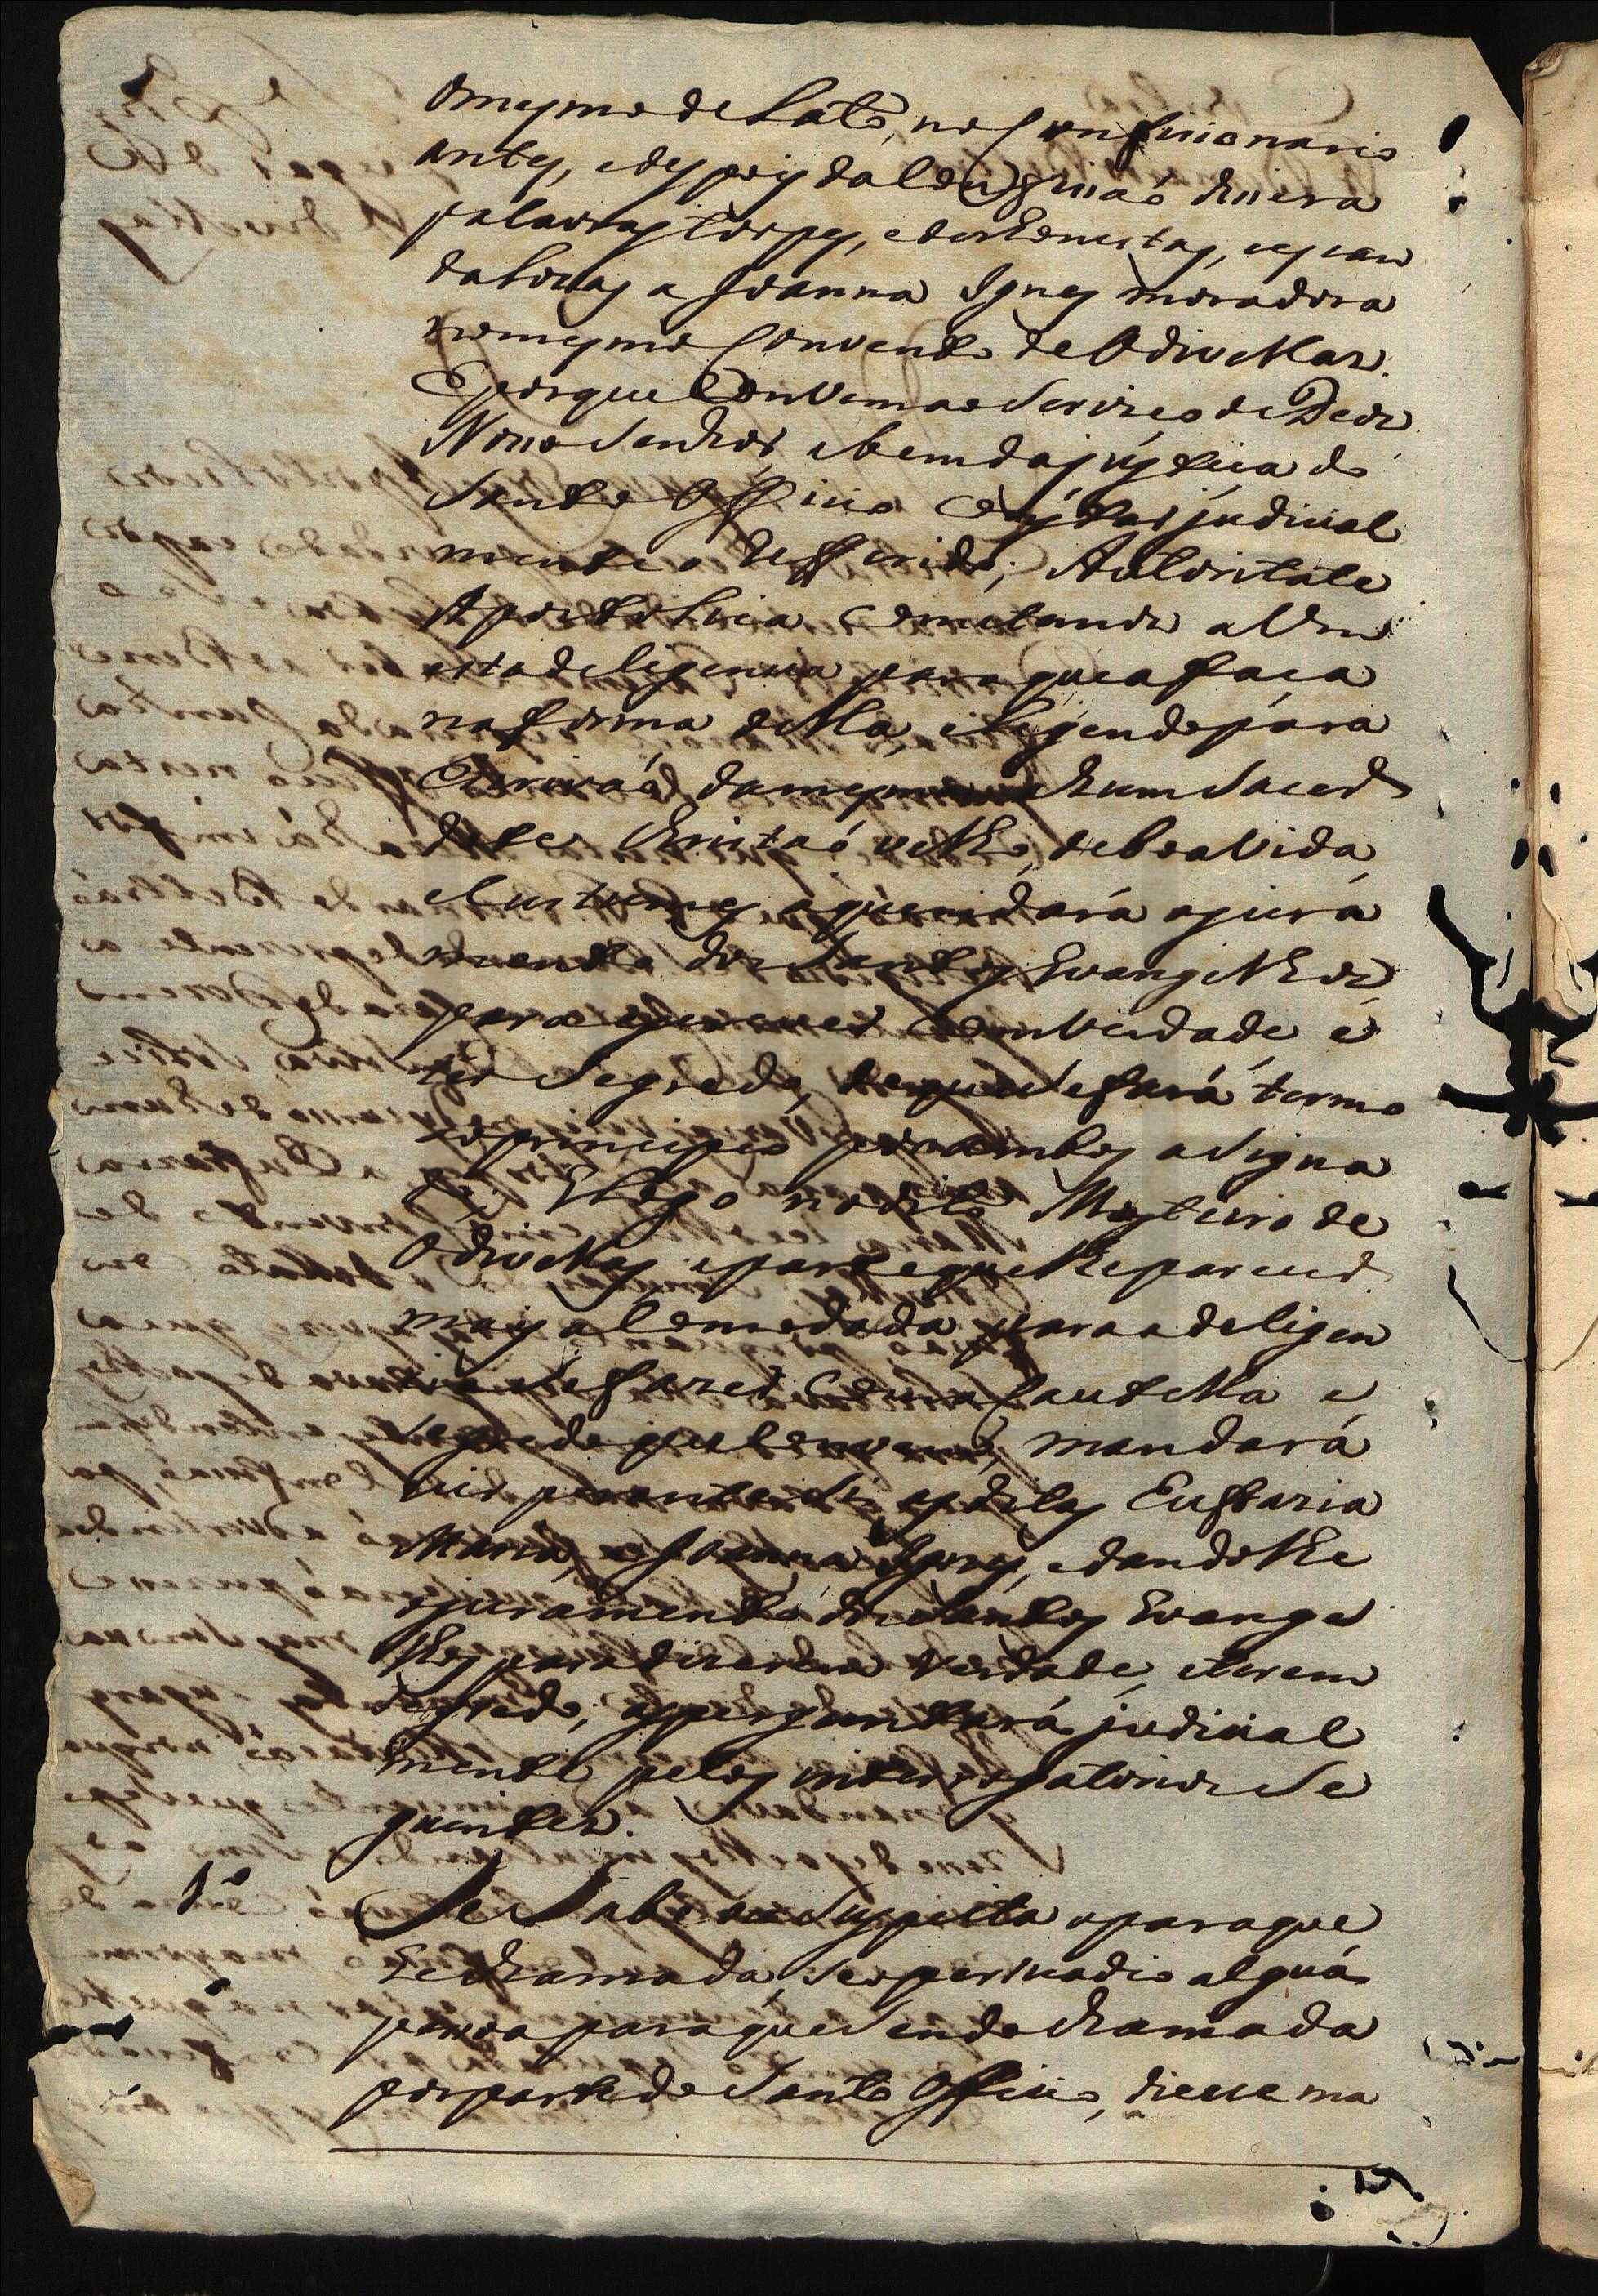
1.o
o mesmo delato, no Confisionario
antes, e depois da confissaõ dissera
palavras torpes, e deshonestas, e escan
dalozas a Joanna Ignes moradora
no mesmo Convento de Odivellas.
E porque convem ao serviço de Deos
Nosso Senhor e bem da justiça do
Santo Officio constar judicial
mente o Refferido; Autoritate
Apostolica cometemos a Vm
esta deligencia para que a faça
na forma della, elegendo para
Escrivaõ da mesm_ hum sacer
dote christaõ velho, de boa vida,
e custumes, a quem dará o jura
mento dos santos Evangelhos,
para escrever com verdade e
ter Segredo, de que se fará termo
ao principio por ambos asigna
do; E Logo no dito Mosteiro de
Odivellas, e parte que lhe parecer
mais acomodada para a deligen
cia se fazer com a Cautella e
segredo que convem, mandará
vir perante si as ditas Eufrazia
Maria, e Joanna Ignes, e dandolhe
o juramento dos santos Evange
lhos para dizerem verdade, e terem
segredo, as perguntará judicial
mente pelos interrogatorios Se
guintes.
Se Sabe ou Suspeita o para que
he chamada, se o persuadio alguā
pessoa para que sendo chamada
por parte do Santo officio, dicese ma
